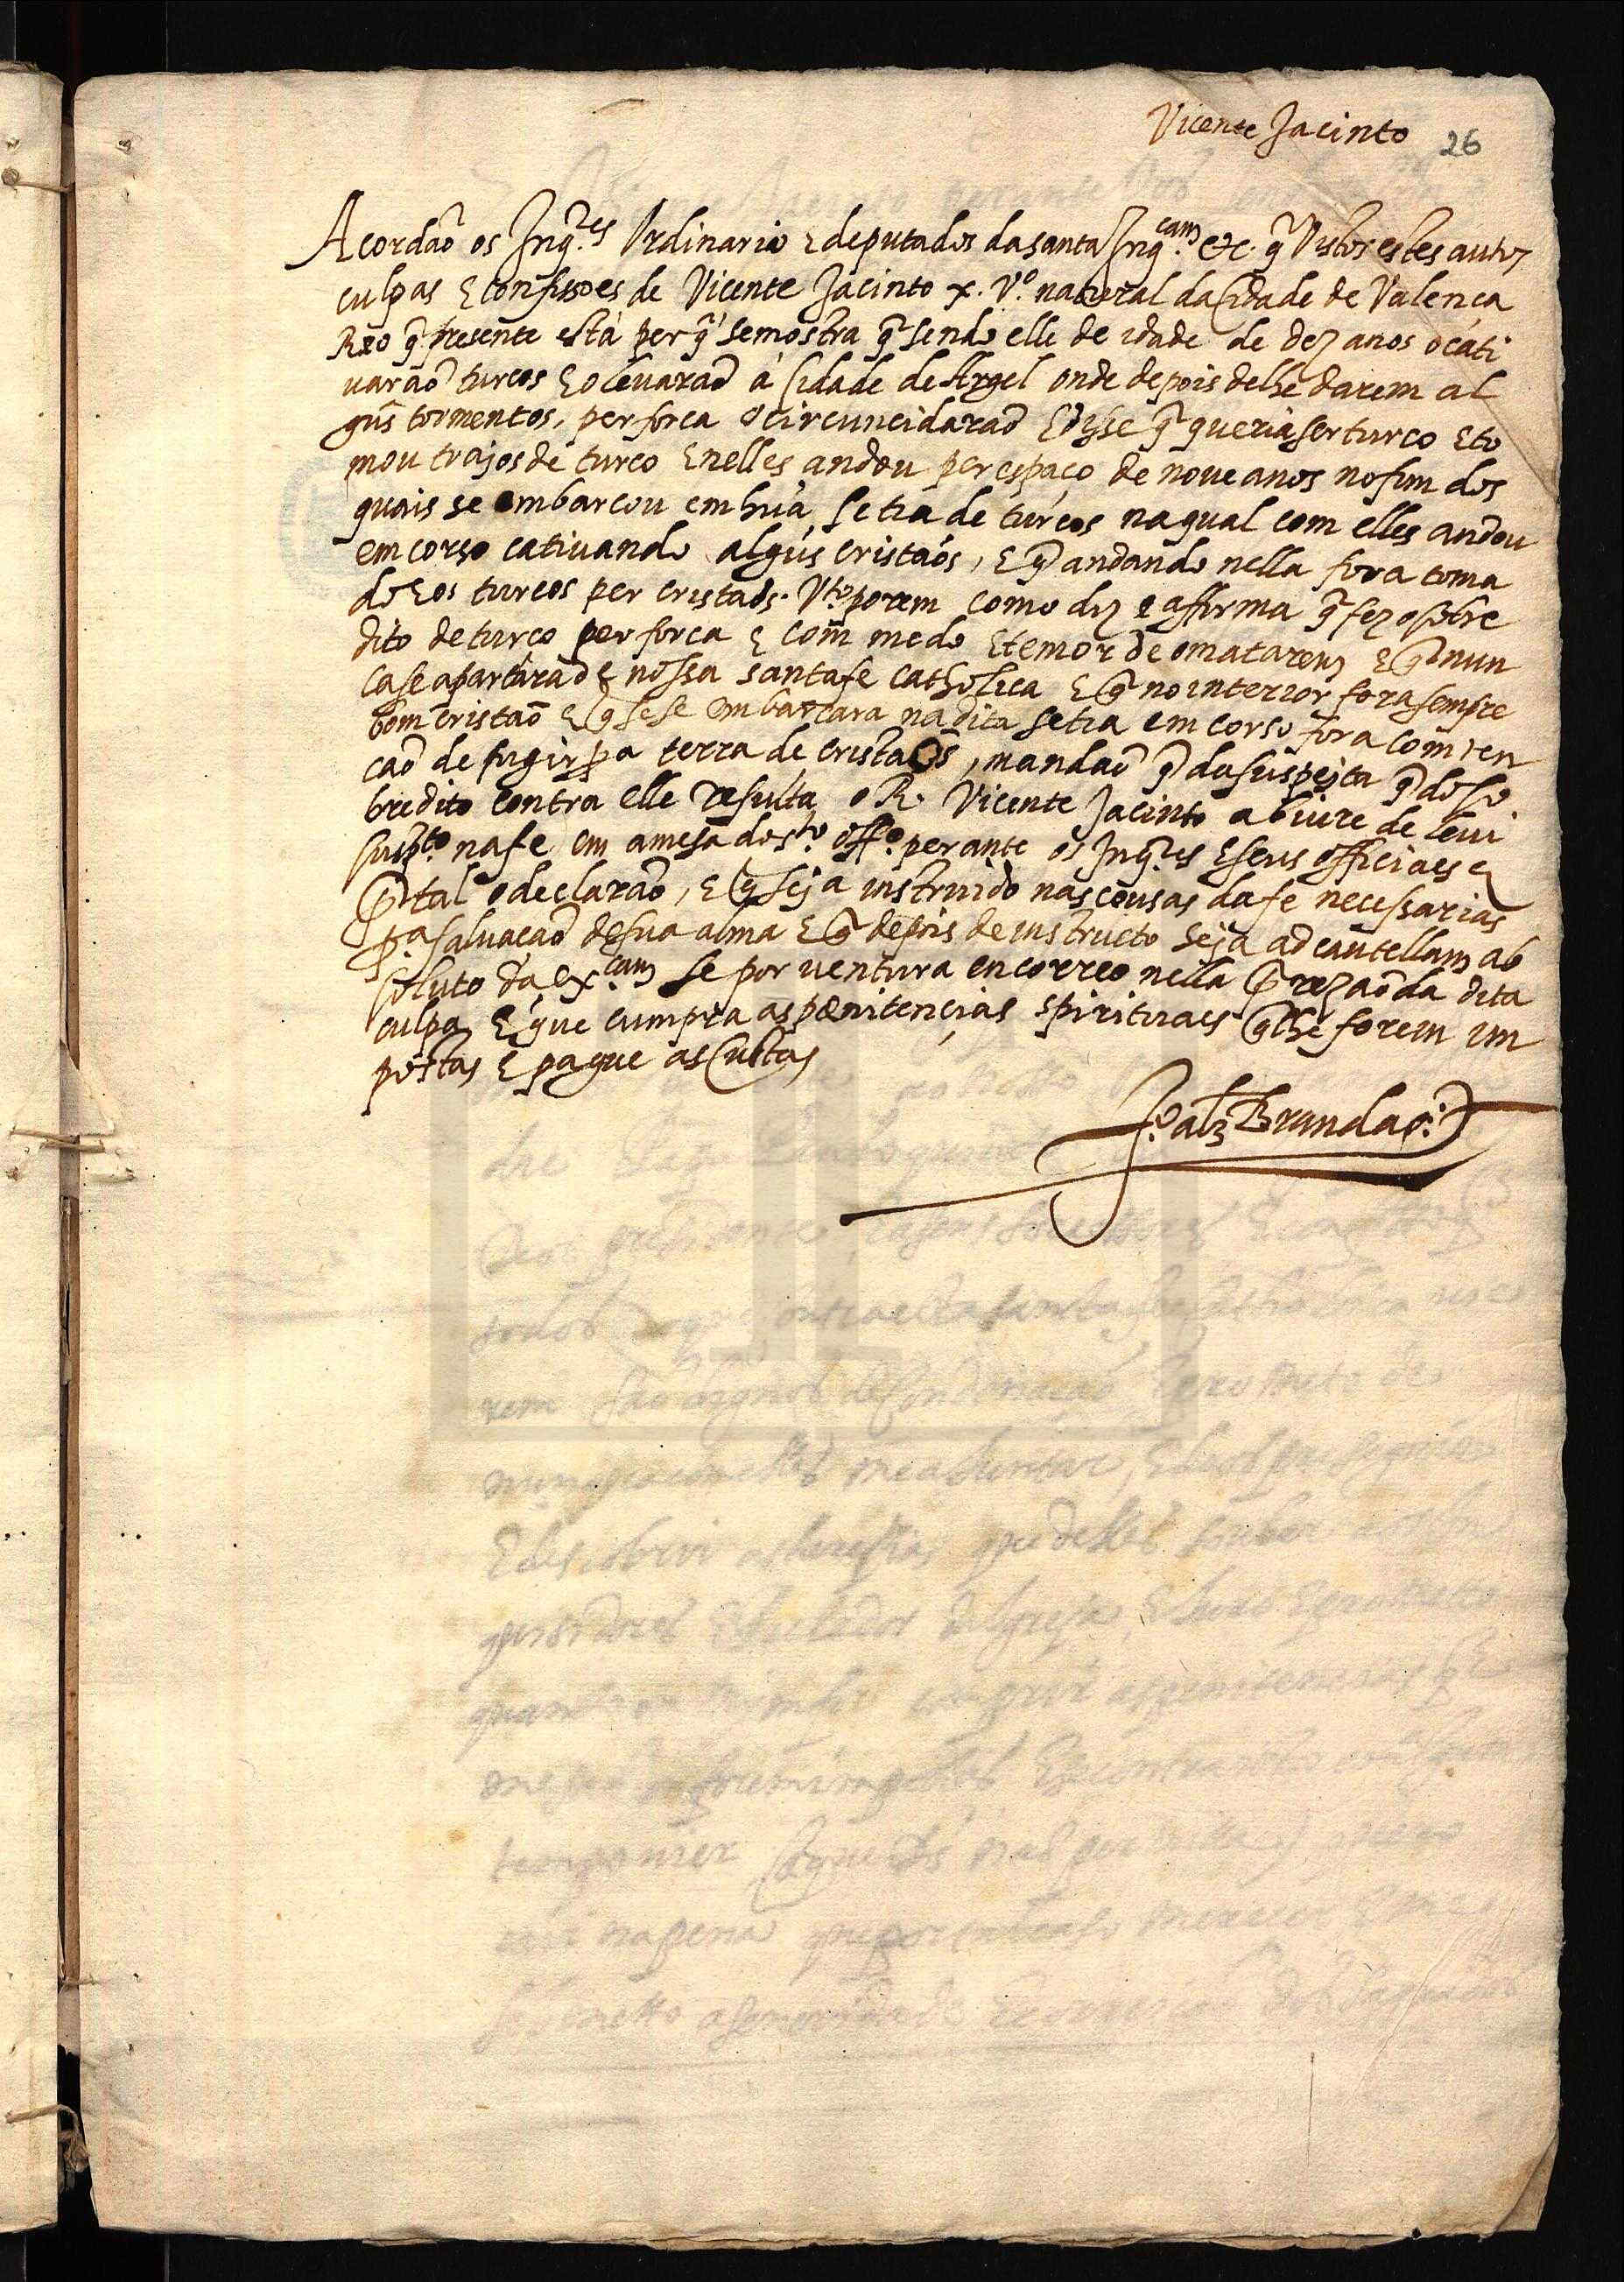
Vicente Jacinto
Acordão os Inq.res Ordinario E deputados da santa Inq.cam etc. q̄ Vistos estes autos
culpas E confissoes de Vicente Jacinto x. v.o natural da Cidade de Valença
Reo q̄ presente està per q̄ se mostra q̄ sendo elle de idade de dez anos o cati
uaraõ turcos E o leuaraõ à Cidade de Argel onde depois de lhe darem al
gūs tormentos, per força o circuncidaraõ E disse q̄ queria ser turco E to
mou trajos de turco E nelles andou por espaço de noue anos no fim dos
quais se embarcou em huā Setia de turcos na qual com elles andou
em corso catiuando algūs cristaõs, E q̄ andando nella fora toma
do E os turcos per cristaõs. V.to porem como diz e affirma q̄ fez o sobre
dito de turco per força e com medo E temor de o matarem E q̄ nun
ca se apartara de nossa santa fe catholica e q̄ no interior fora sempre
bom cristaõ E q̄ se se embarcara na dita setia em corso fora com ten
çaõ de fugir ꝑa terra de cristaõs, mandaõ q̄ da suspeita q̄ do So
bredito contra elle resulta o R. Vicente Jacinto abiure de leui
susp.to na fe em a mesa do s.to off.o perante os Inq.res E seus officiaes e
p̄ tal o declarão, E q̄ seja instruido nas cousas da fe necessarias
p̄.a Saluação de sua alma E q̄ depois de instructo seja ad cautellam ab
soluto da ex.çam se por uentura encorreo nella p̄ rezaõ da dita
culpa E q̄ cumpra as pœnitencias spirituaes q̄ lhe forem im
postas E pague as Custas
J.o al̄z Brandaõ
